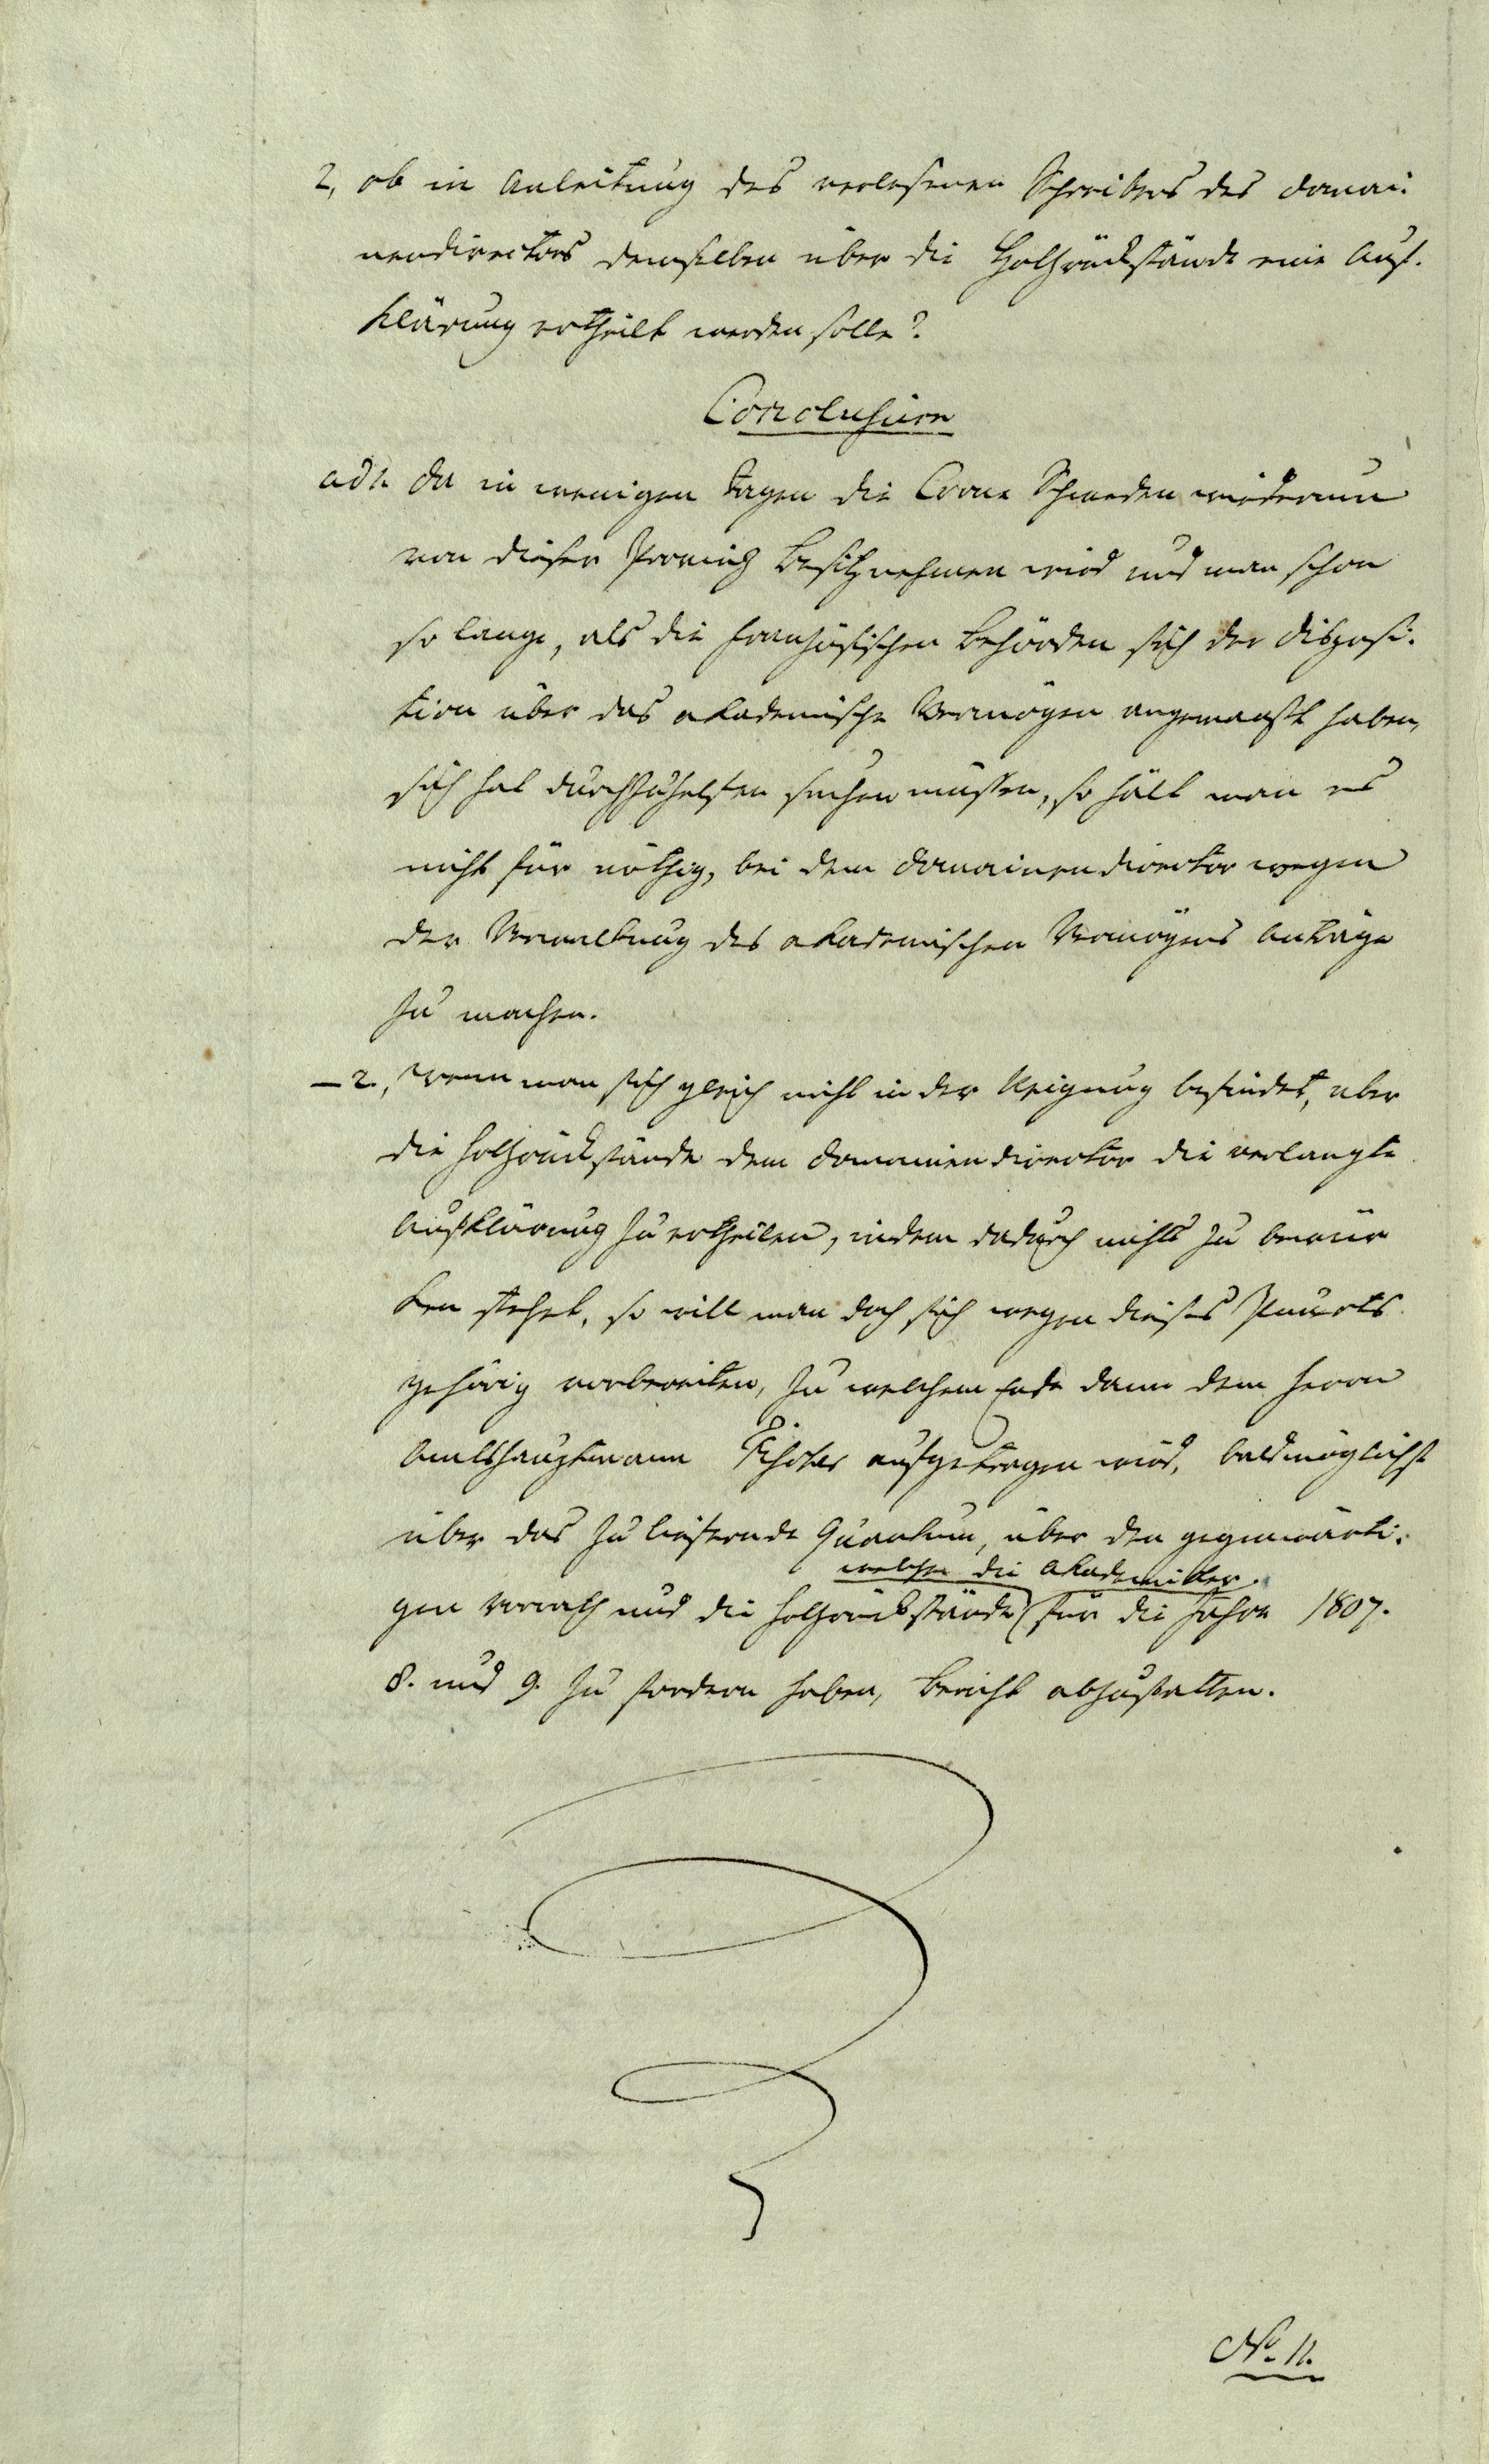2, ob in Anleitung des verlesenen Schreibens des Domai¬
nendirectors demselben über die Holzrückstände eine Auf¬
klärung ertheilt werden solle?
Conclusum
ad 1. Da in wenigen Tagen die Crone Schweden wiederum
von dieser Provinz Besitznehmen wird und man schon
so lange, als die französischen Behörden sich der disposi¬
tion über das akademische Vermögen angemaaßt haben,
sich hat durchzuhelfen suchen müssen, so hält man es
nicht für nöthig, bei dem Domainendirector wegen
der Verwaltung des akademischen Vermögens Anträge
zu machen.
2, Wenn man sich gleich nicht in der Neigung befindet, über
die Holzrückstände dem Domainendirector die verlangte
Aufklärung zu ertheilen, indem dadurch nichts zu bewür¬
ken stehet, so will man doch sich wegen dieses Puncts
gehörig vorbereiten, zu welchem Ende dann dem Herrn
Amtshauptmann Fischer aufgetragen wird, baldmöglichst
über das zu liefernde Quantum, über den gegenwärti¬
welchen die Akademiker
gen Vorrath und die Holzrückstände für die Jahre 1807.
8. und 9 zu fordern haben, Bericht abzustatten.
No 11.